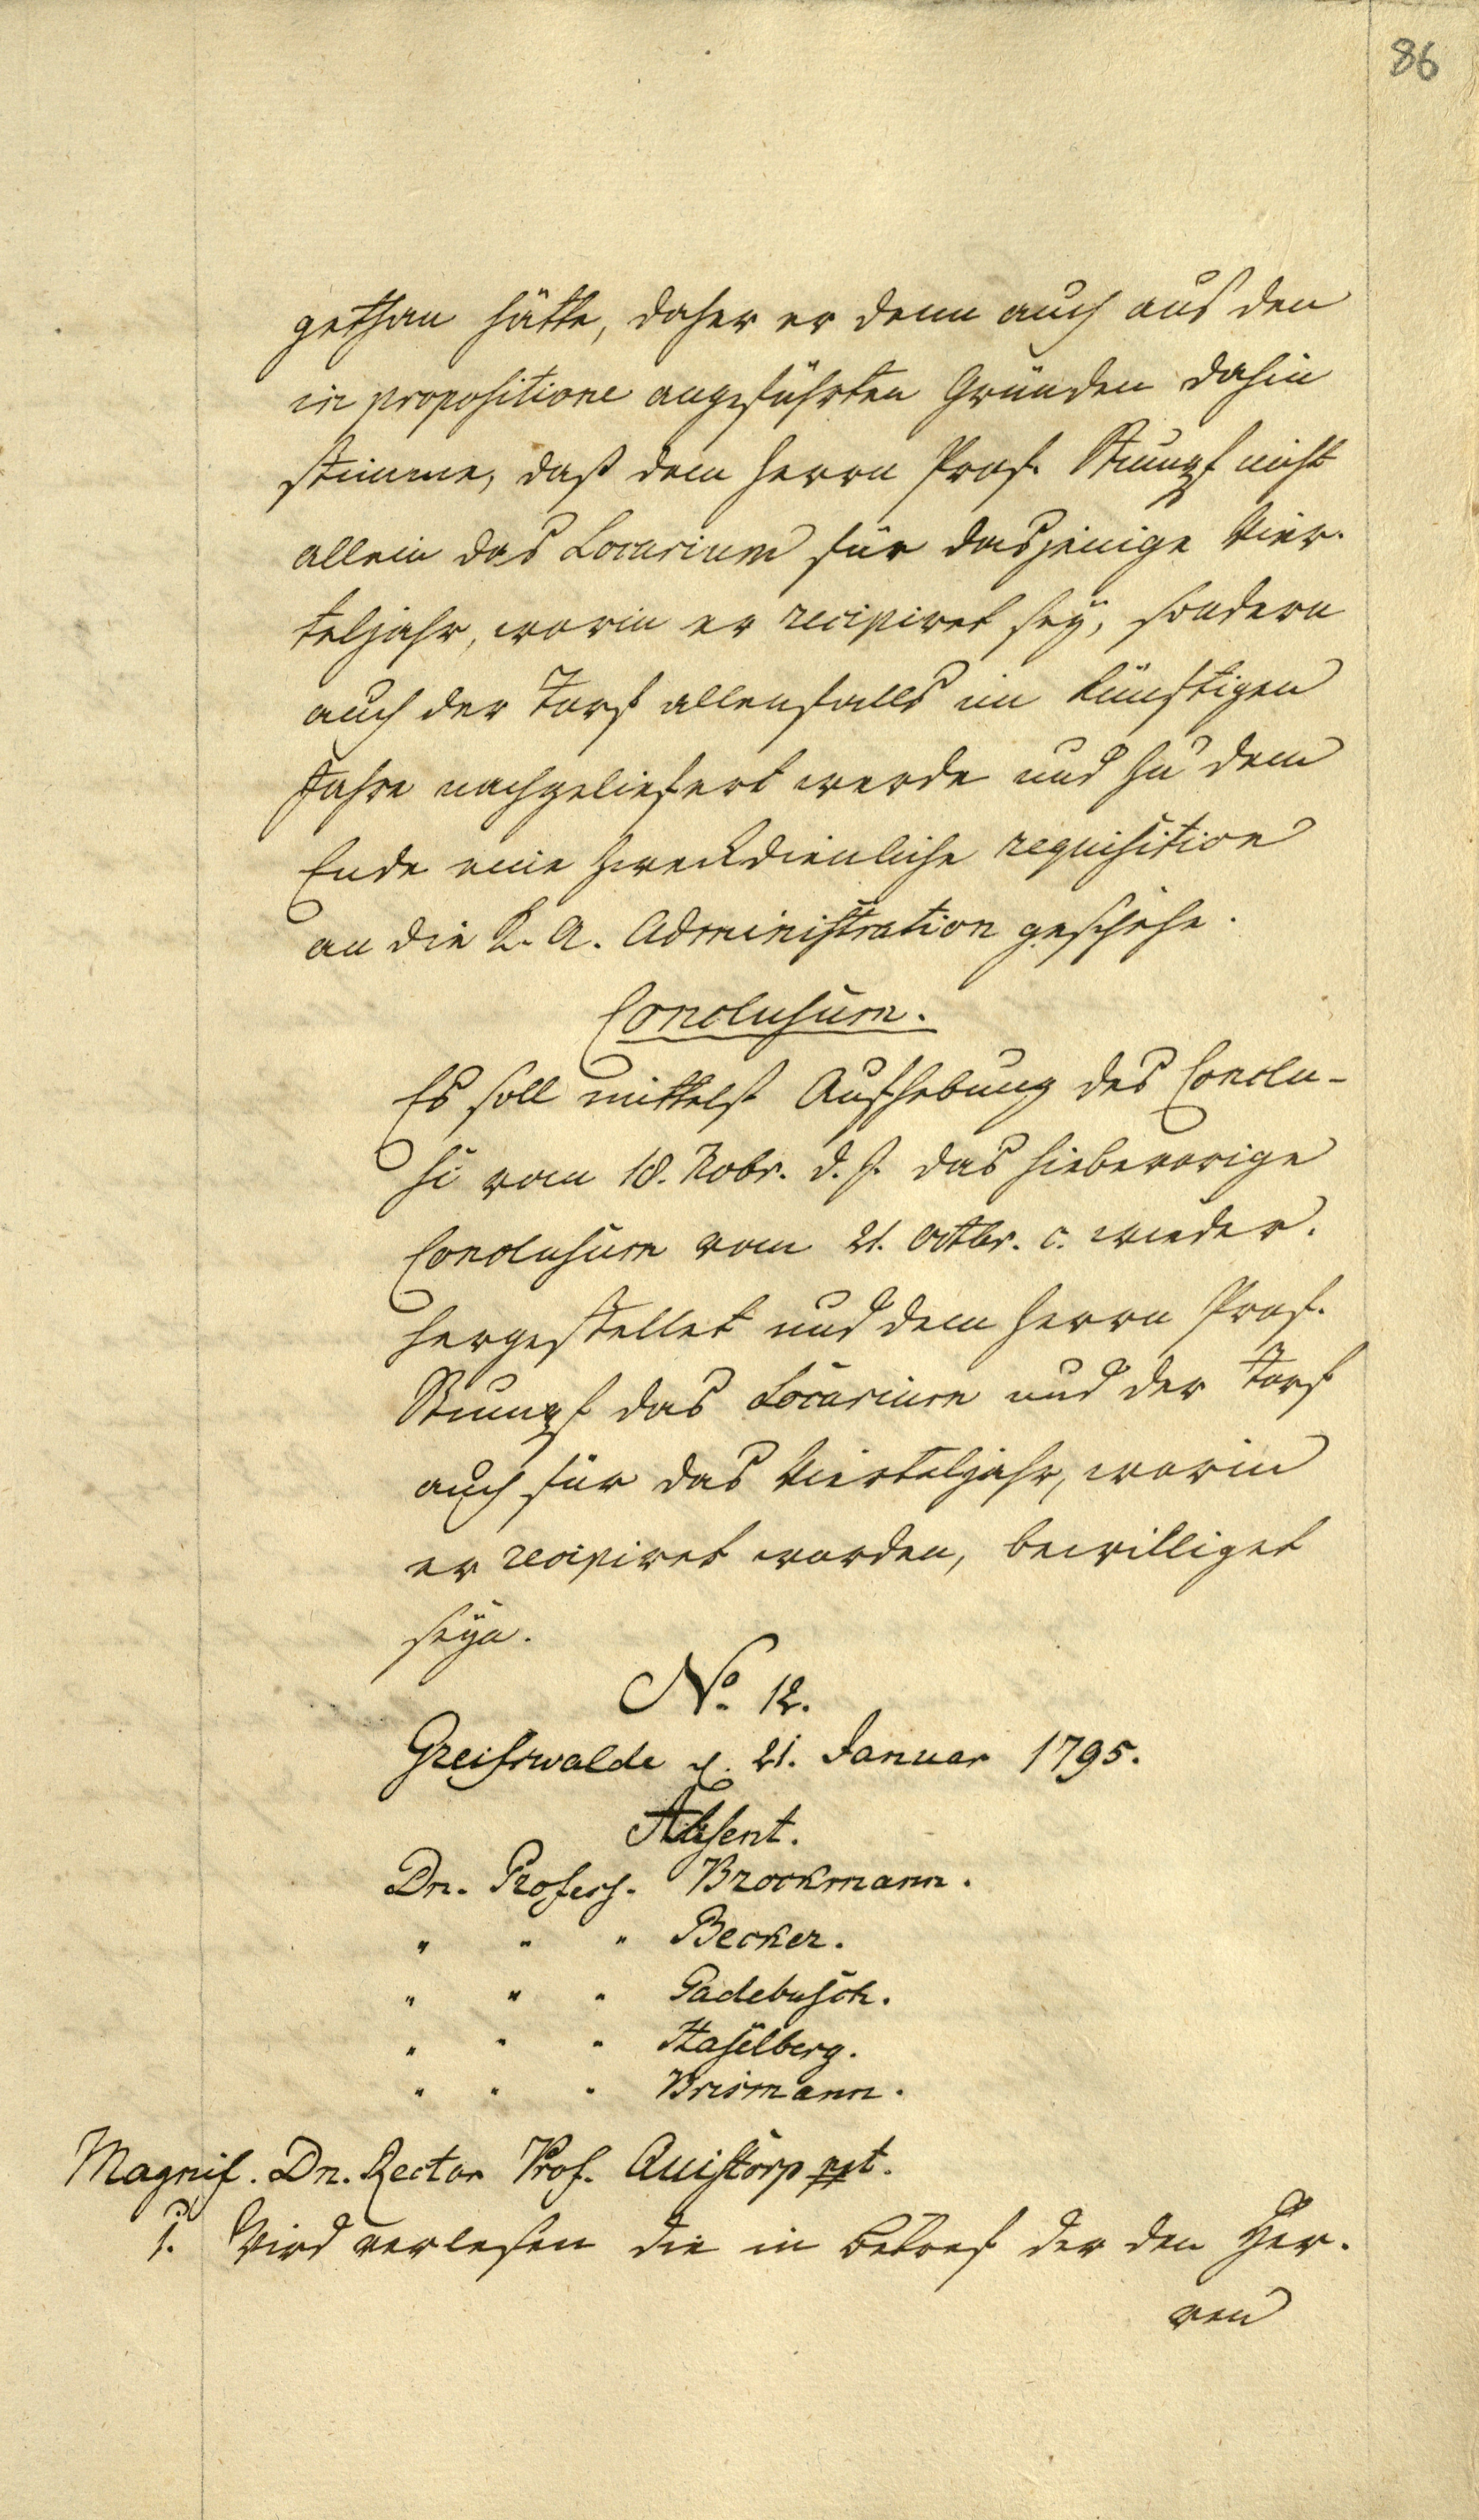gethan hätte, daher er denn auch aus den
in propositione angeführten Gründen dahin
stimme, daß dem Herrn Prof. Stumpf nicht
allein das Locarium für dasjenige Vier¬
teljahr, worin er recipiret seÿ, sondern
auch der Torf allenfalls im künftigen
Jahre nachgeliefert werden und zu dem
Ende eine zweckdienliche requisition
an die K. A. Administration geschehe.
Conclusum.
Es soll mittelst Aufhebung des Conclu¬
si vom 18. Nobr. d. J. das hiebevorige
Conclusum vom 21. Octbr. c. wieder¬
hergestellet und dem Herrn Prof.
Stumpf das Locarium und der Torf
auch für das Vierteljahr, worin
er recipiret worden, bewilliget
seÿn.
No 12.
Greifswalde d. 4. Januar 1795.
Absent.
Dn. Profess. Brockmann.
Becker.
Gadebusch.
Haselberg.
Brismann.
Magnif. Dn. Rector Prof. Quistorp ppt.
1. Wird verlesen die in Betref der den Her¬
ren